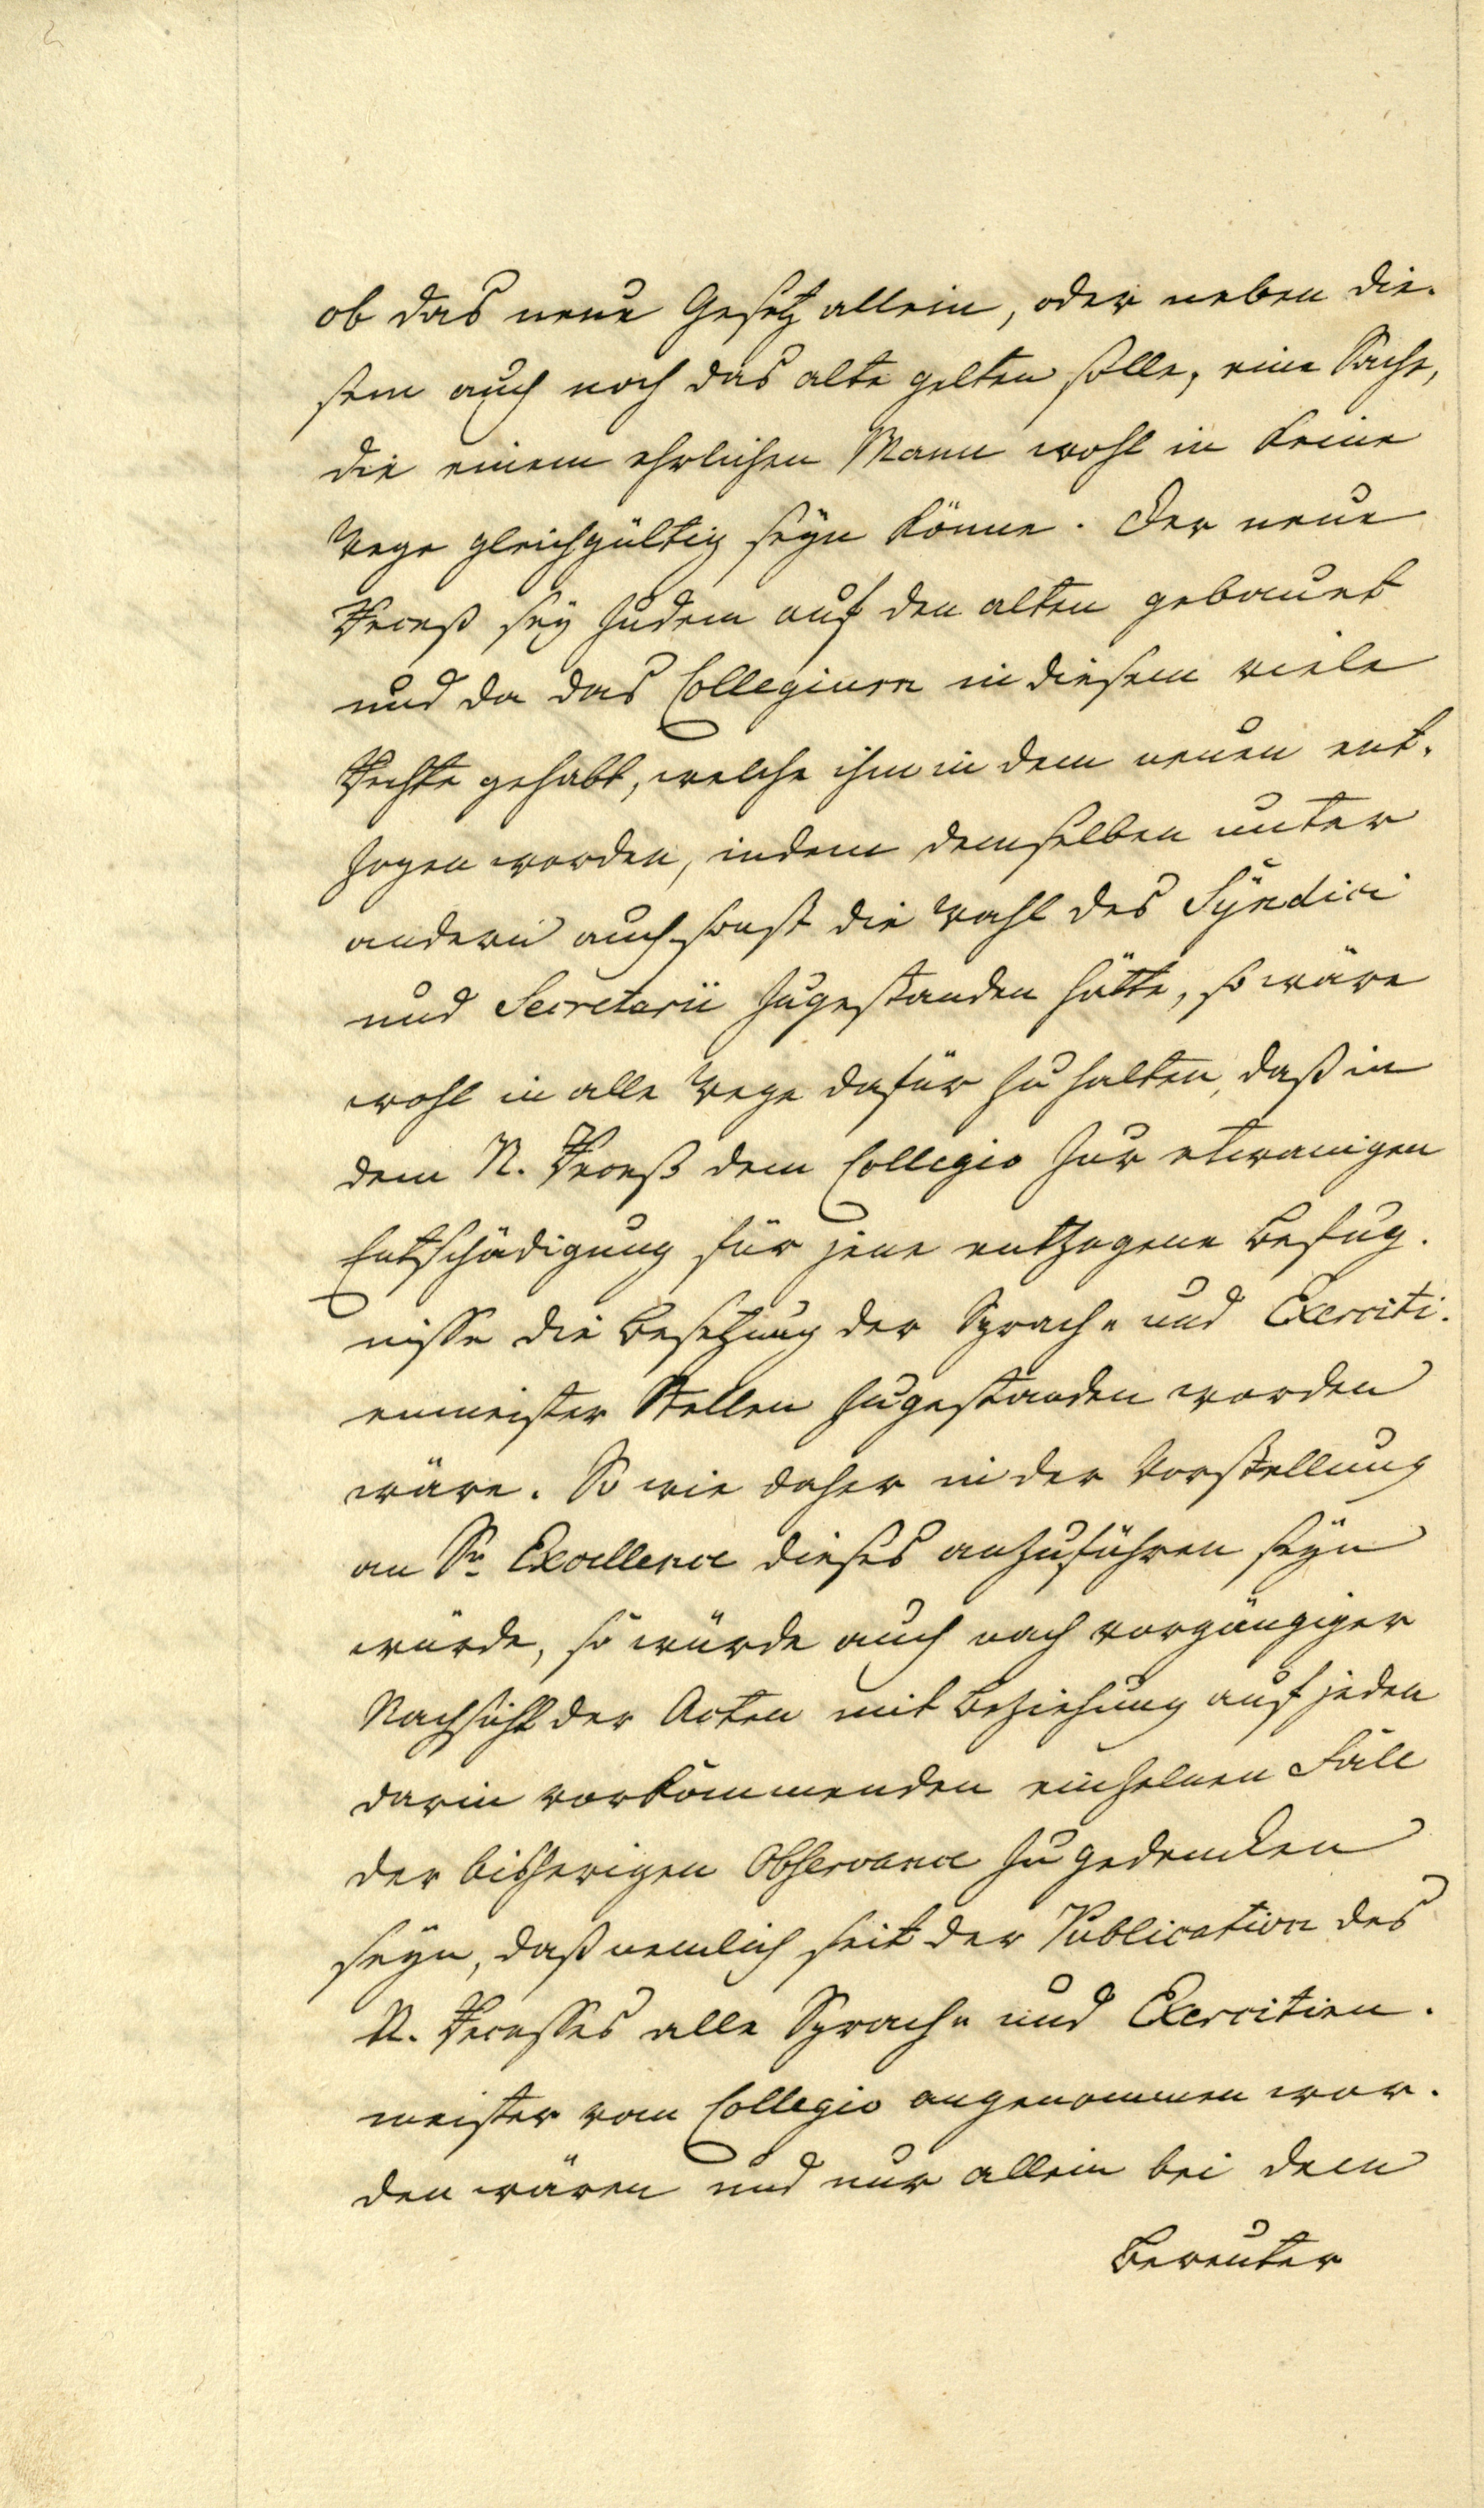ob das neue Gesetz allein, oder neben die¬
sem auch noch das alte gelten solle, eine Sache,
die einem ehrlichen Mann wohl in keine
Wege gleichgültig seÿn könne. Der neue
Receß seÿ zudem auf den alten gebauet
und da das Collegium in diesem viele
Rechte gehabt, welche ihm in dem neuen ent¬
zogen worden, indem demselben unter
andern auch sonst die Wahl des Sÿndici
und Secretarii zugestanden hätte, so wäre
wohl in alle Wege dafür zu halten, daß in
dem N. Receß dem Collegio zur etwanigen
Entschädigung für jene entzogene Befug¬
nisse die Besetzung der Sprach- und Exerciti¬
enmeister Stellen zugestanden worden
wäre. So wie daher in der Vorstellung
an Sr. Excellence dieses anzuführen seÿn
würde, so würde auch nach vorgängiger
Nachsicht der Acten mit Beziehung auf jeden
darin vorkommenden einzelnen Fall
der bisherigen Observance zu gedencken
seÿn, daß nemlich seit der Publication des
N. Recesses alle Sprach- und Exercitien¬
meister vom Collegio angenommen wor¬
den wären und nur allein bei dem
Bereuter